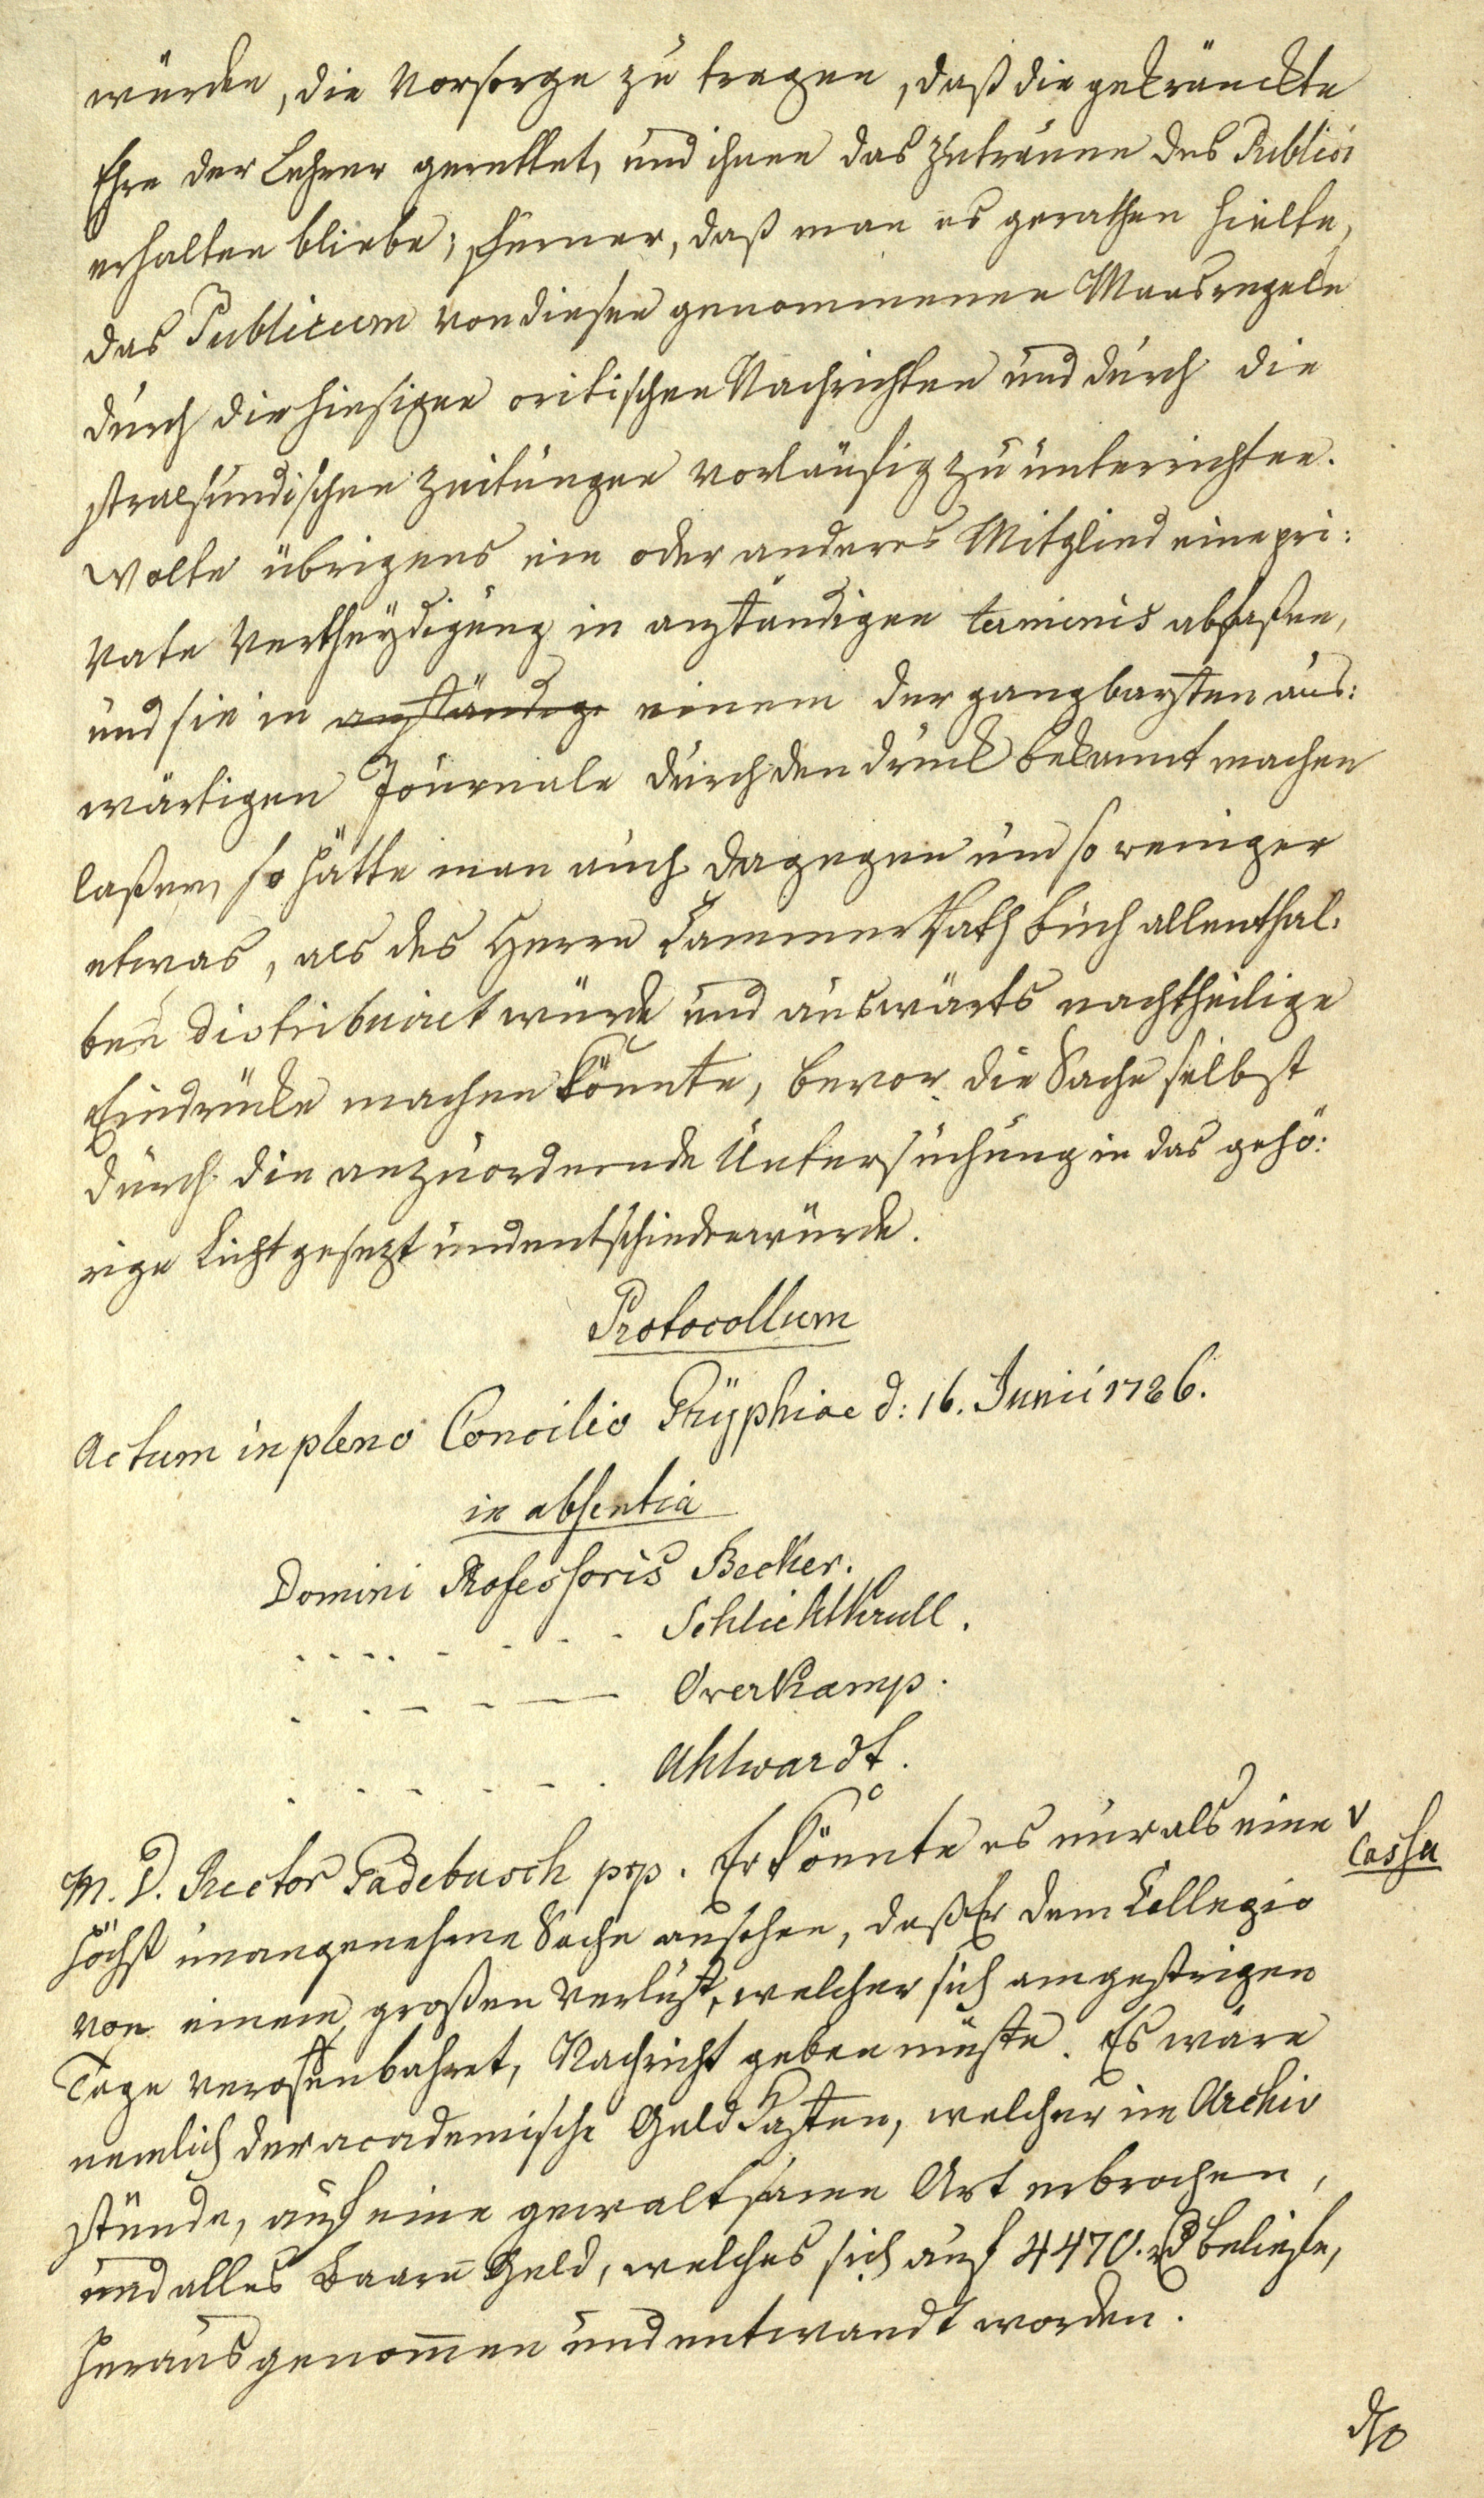würde, die Vorsorge zu tragen, daß die gekränckte
Ehre der Lehrer gerettet, und ihnen das Zutrauen des Publici
erhalten bliebe, ferner, daß man es gerathen hielte,
das Publicum von diesen genommenen Maasregeln
durch die hiesigen critischen Nachrichten und durch die
stralsundischen Zeitungen vorläufig zu unterrichten.
Wolte übrigens ein oder anderes Mitglied eine pri¬
vate Vertheÿdigung in anständigen terminis abfaßen,
und sie in einem der gangbarsten aus¬
wärtigen Journale durch den dieses bekannt machen
laßen, so hätte man auch dagegen um so weniger
etwas, als des Herrn CammerRath Buch allenthal¬
ben distribuiret würde und auswärts nachtheilige
Endrücke machen könnte, bevor die Sache selbst
durch die anzuordnende Untersuchung in das gehö¬
rige Licht gesezt und entschieden würde.
Protocollum
Actum in pleno Concilio Grÿphiae d. 16. Junii 1786.
in absentia
Domini Professoris Becker,
Schlichtkrull.
Overkamp.
Ahlwardt.
M. D. Rector Gadebusch prp. Er könnte es nur als eine
höchst unangenehme Sache ansehen, daß Er dem Collegio
von einem großen Verlust, welcher sich am gestrigen
Tage veroffenbahret, Nachricht geben müste. Es wäre
nemlich der academische Geld Kasten, welcher im Archiv
stünde, auf eine gewaltsame Art erbrochen,
und alles baare Geld, welches sich auf 4470.rt beliefe,
heraus genommen und entwandt worden.
dh